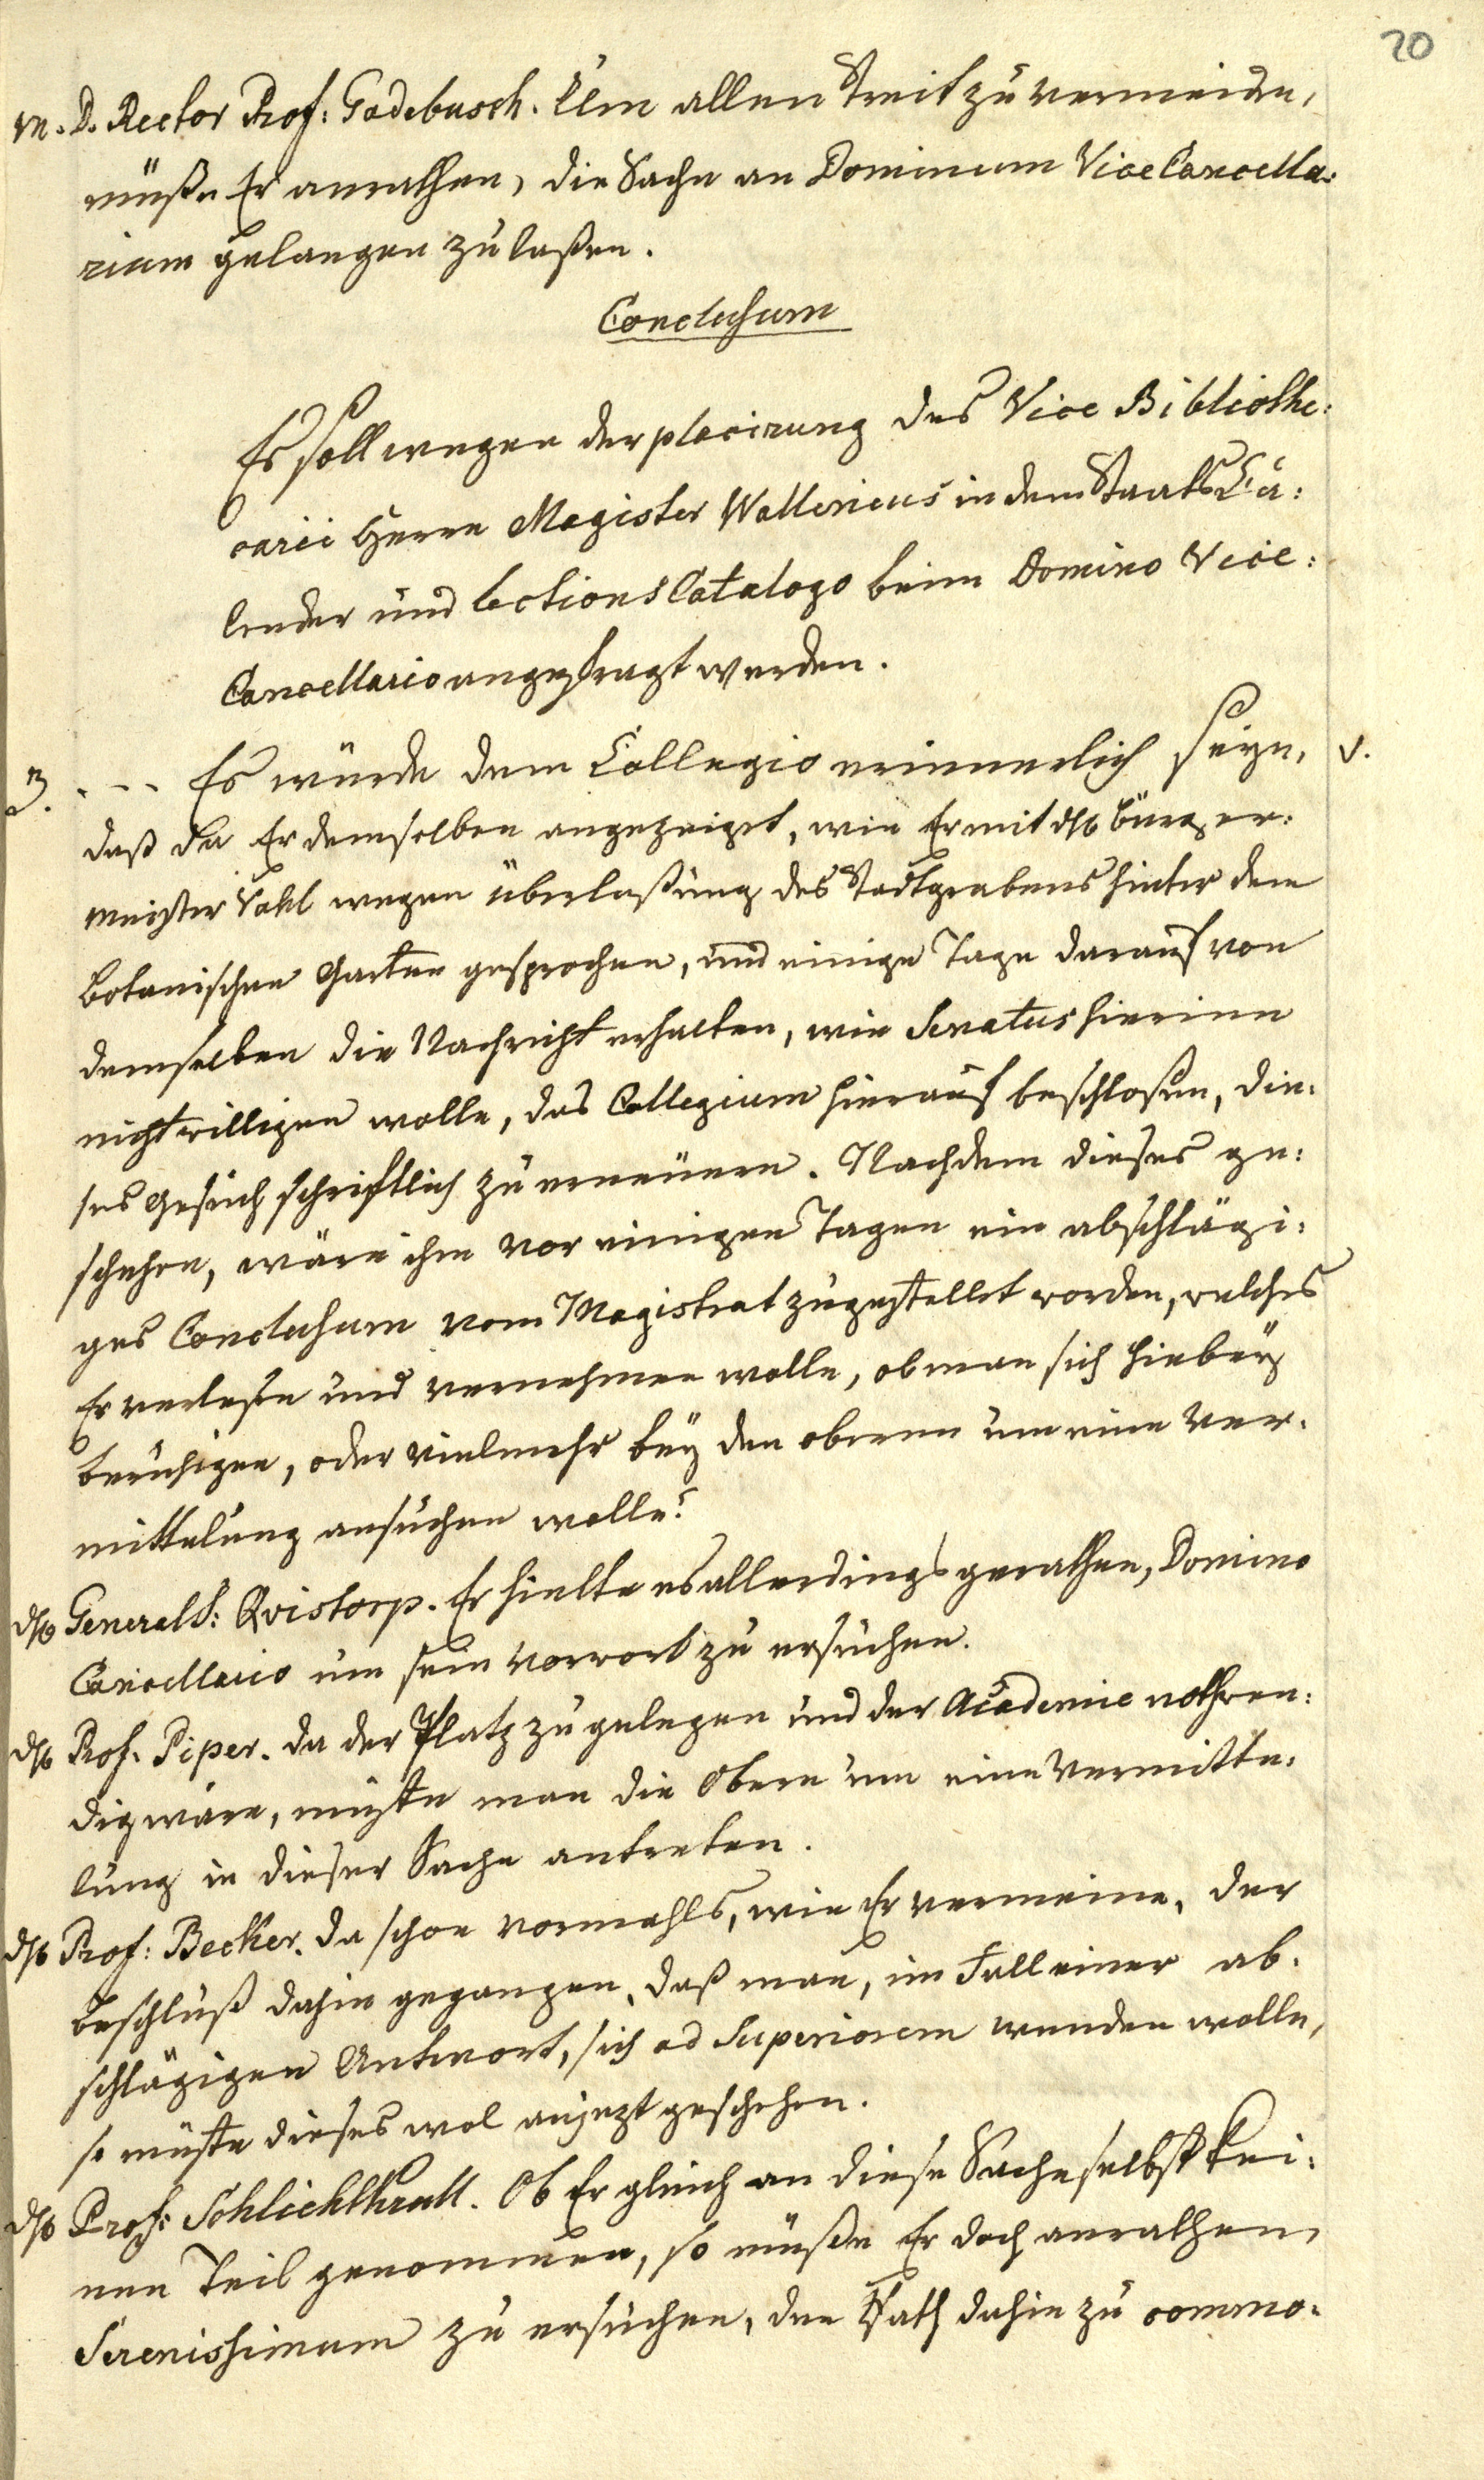M.D. Rector Prof. Gadebusch. Um allen Streit zu vermeiden,
müße Er anrathen, die Sache an Dominum ViaeCancella¬
rium gelangen zu laßen.
Conclusum
Er soll wegen der placirung das Vice Bibliothe¬
carii Herrn Magister Wallenius in dem Staatska¬
lender und LectionsCatalogo beim Domino Vice¬
Cancellario angefragt werden.
3. Es würde dem Collegio erinnerlich seÿn,
daß da Er demselben angezeiget, wie Er mit dh. Bürger¬
Meister Vahl wegen Überlaßung des Stadtgrabens hinter dem
Botanischen Garten gesprochen, und einige Tage darauf von
demselben die Nachricht erhalten, wie Senatus hierinn
nicht willigen wolle, das Collegium hierauf beschloßen, die¬
ses Gesuch schriftlich zu erneuern. Nachdem dieses ge¬
schehen, wäre ihm vor einigen Tagen ein abschlägi¬
ges Conclusum vom Magistrat zugestellet worden, welches
Er verlesen und vernehmen wolle, ob man sich hiebeÿ
beruhigen, oder vielmehr beÿ den oberen um neue Ver¬
mittelung ansuchen wolle?
dh. GeneralS. Quistorp. Er hielte es allerdings gerathen, Domino
Cancellario ein sein Vorwort zu ersuchen.
dh Prof. Piper. Da der Platz zu gelegen und der Academie nothwen¬
dig wäre, müste man die Obern um eine Vermitte¬
lung in dieser Sache antreten
dh Prof. Becker. Da schon vormahls, wie Er vermeine, der
Beschluß dahin gegangen, daß man, im Fall einer ab¬
schlägigen Antwort, sich ad Superiorum wenden wolle,
so müßte dieses wol anjezt geschehen.
dh. Prof. Schlichtkrull. Ob Er gleich an diese Sache selbst kei¬
nen Teil genommen, so müße Er doch anrathen,
Serenissimum zu ersuchen, den Rath dahin zu commo¬